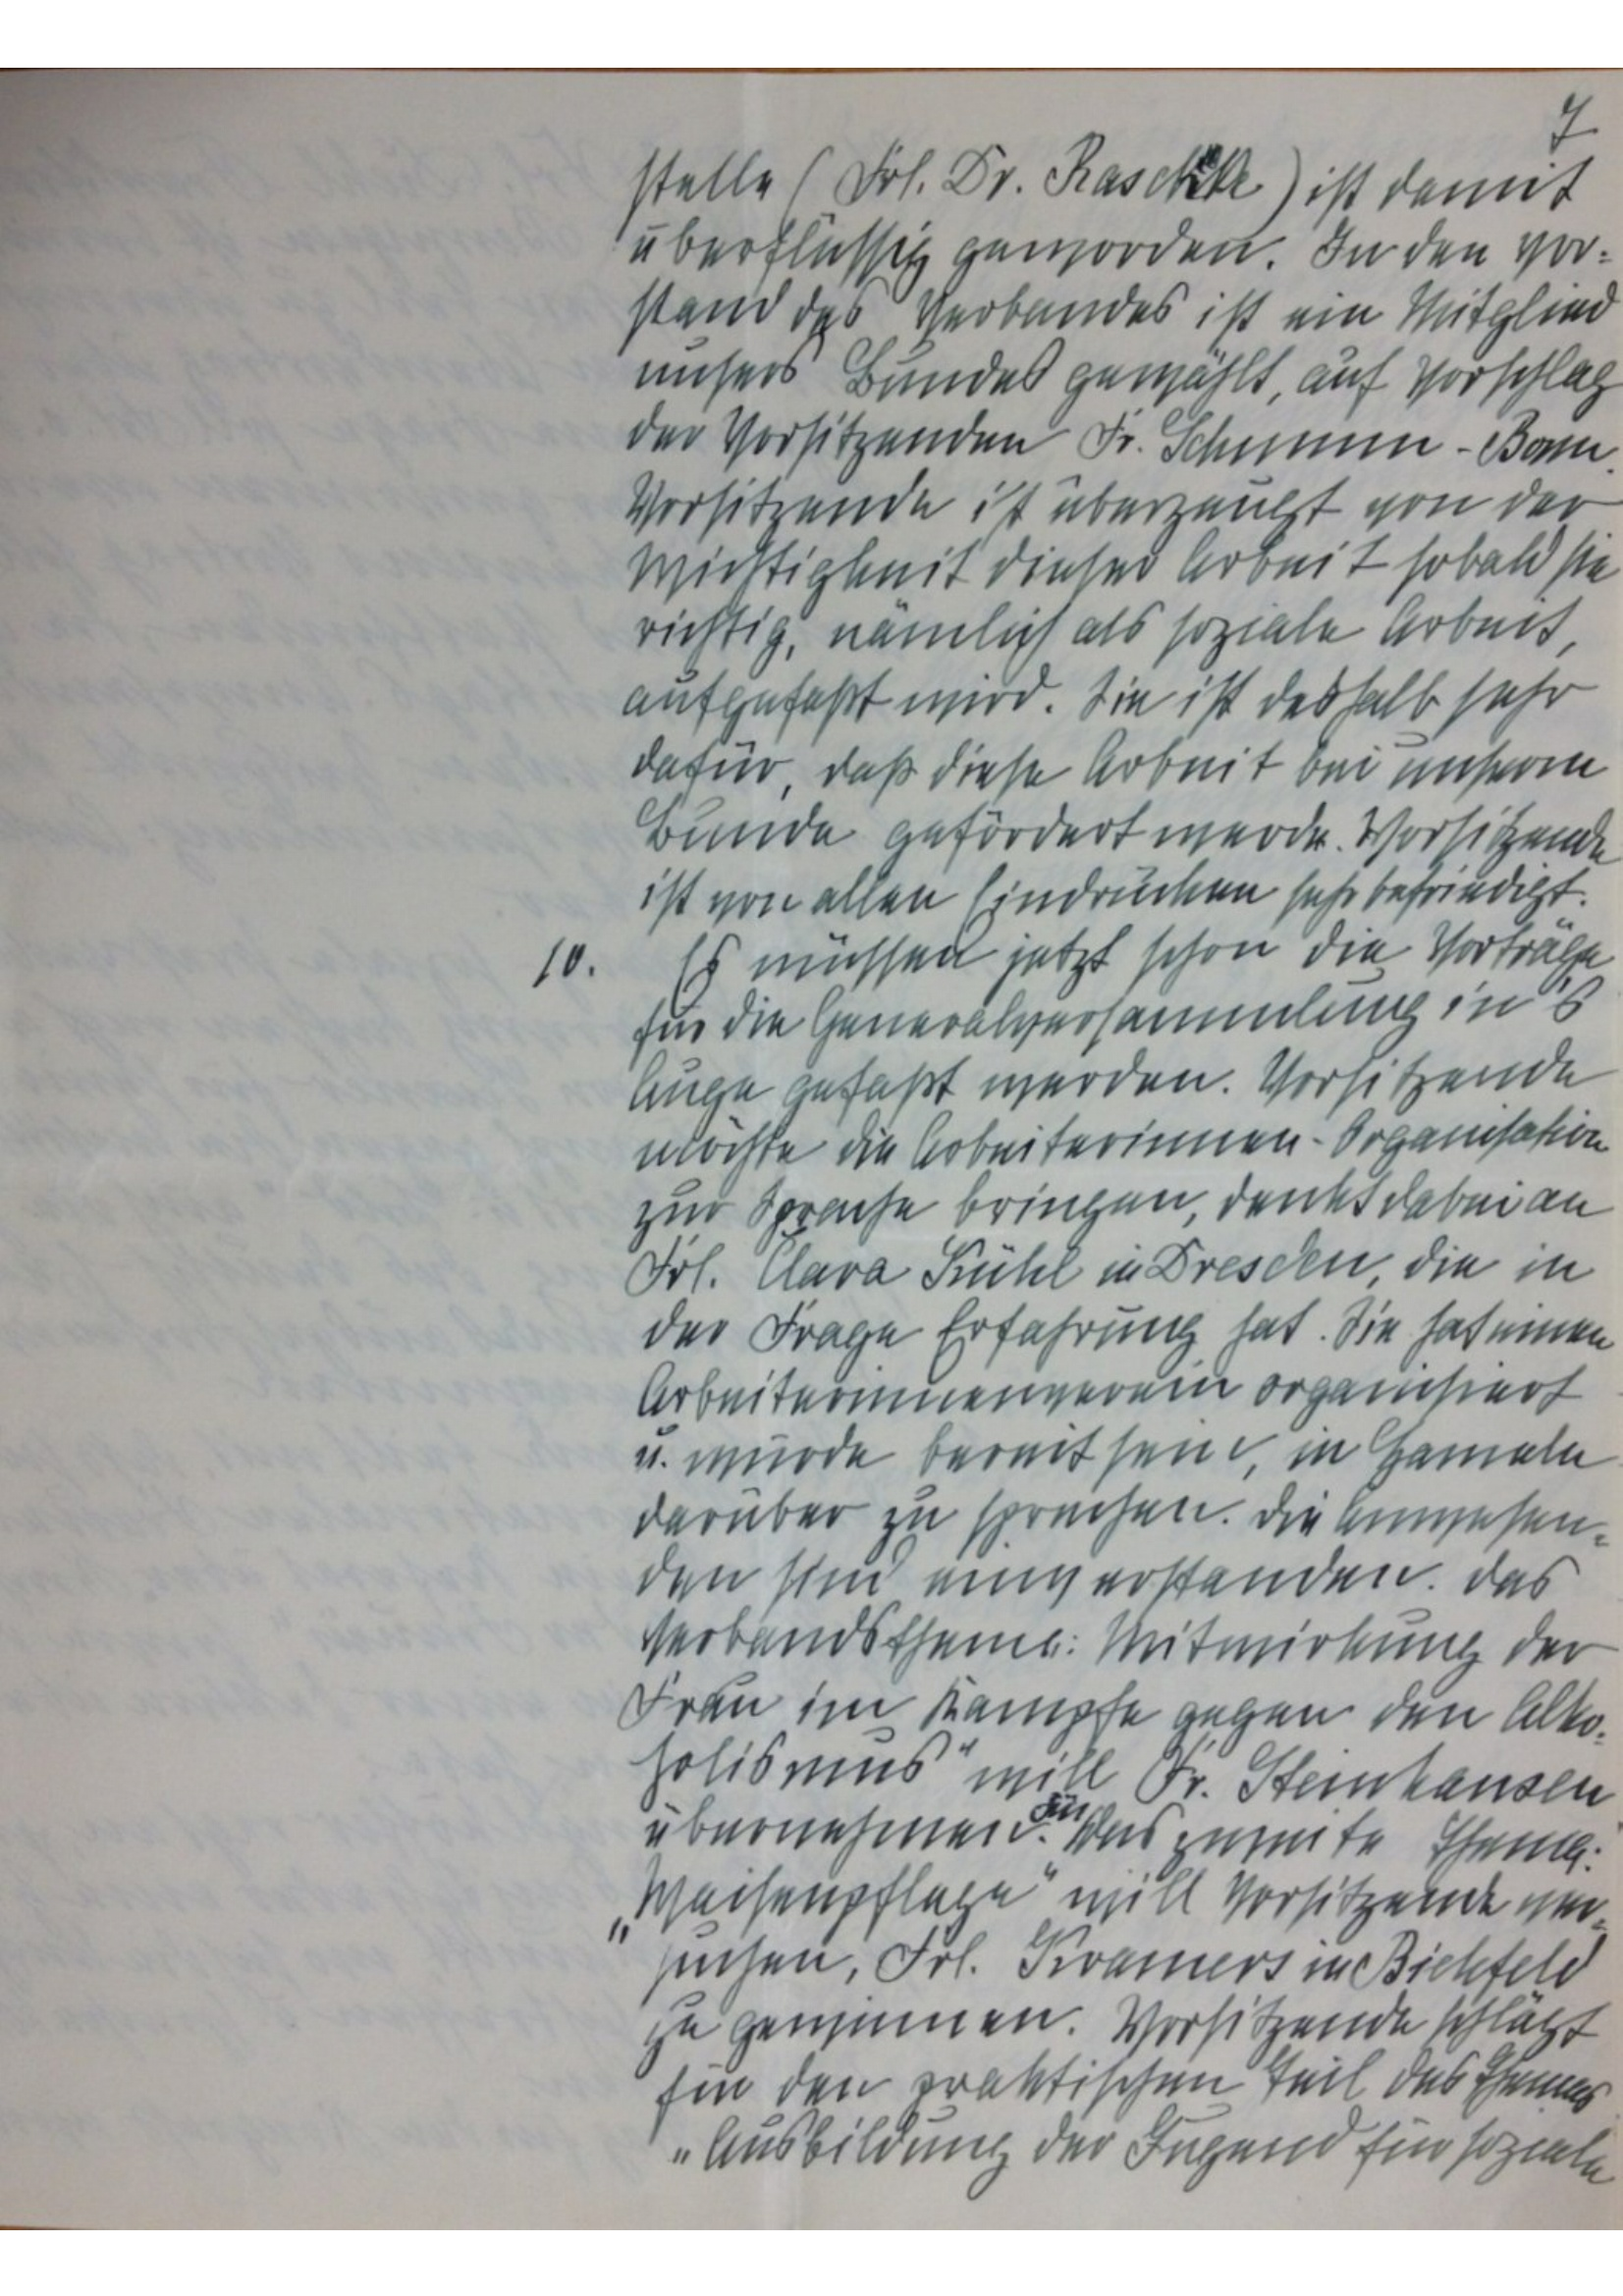10
7
stelle (Frl. Fr. Raschke) ist damit
überflüssig geworden. In den Vor
stand des Verbandes ist ein Mitglied
uinseres Bundes gewählt, auf Vorschlag
der Vorsitzenden Fr. Schumm - Bonn.
Voristzendene ust überzeugt von der
Wichtigkeit dieser Arbeit sobald sie
richtig, nämlich als souiale Arbeit
aufgefaßt wird. Die ist deshalb sehr
dafür, daß diese Arbeit bei unserem
Bunde gefördert werde, Vorsitzende
ist von allen Eindrücken sehr befriedigt.
Es müssen jetzt schon die Vorträge
fpr die Generalversammlung in's
Auge gefaßt werden. Vorsitzende
möchte die Arbeiterinnen-Organisation
zur Sprache bringen denkt dabei an
Frl. Clara Kühl in Dresden, die in
der Frage Erfahrung hat. Die Sie hat einen
Arbeiterinnenverein organisiert
u. würde bereit sein, in Hameln
darüber zu sprechen. Die bennanten
den sind eine erstanden das
Verbandsthema: Mitwirkung der
Frau im Kapfe gegen den Alko
holismus" will Fr. Steinhausen
ünernehmen. Das zweite Thema
„Waisenpflege" will Vorsitzende ver
siuchen, Frl. Kramer in Bielefeld
zu gewinnen. Vorsitzende schlägt
für den praktischen Teil des Themas
„Ausbildung der Jugend für soziale